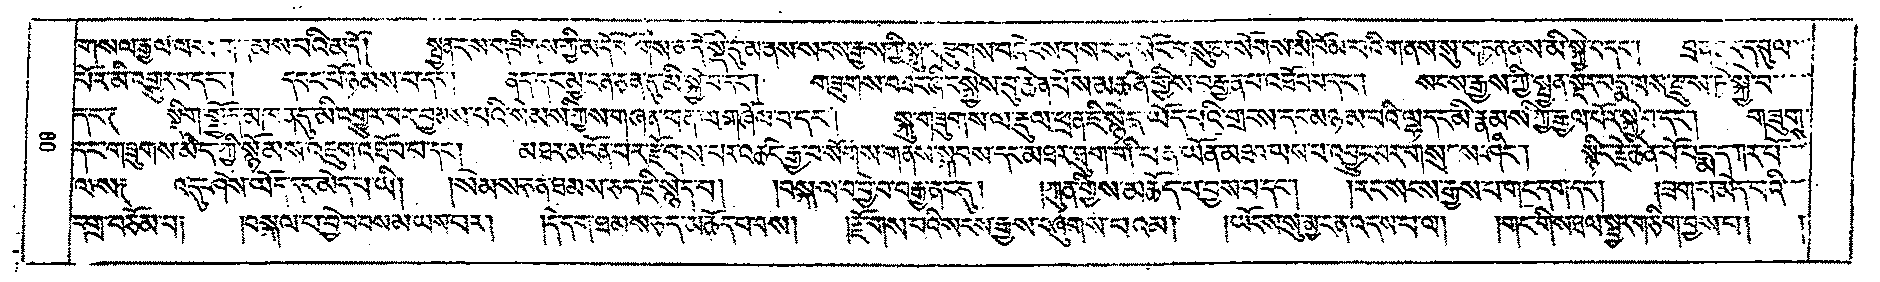གསལ་རྒྱལ་ལས་གདམས་པའི་མདོ། སྤྱན་རས་གཟིགས་ཀྱི་མདོ་སོགས་མདོ་སྡེ་དུ་མ་ནས་སངས་རྒྱས་ཀྱི་སྐུ་གཟུགས་བཞེངས་པས་ངན་སོང་གསུམ་སོགས་མི་ཁོམ་པའི་གནས་སུ་གཏན་ནས་མི་སྐྱེ་བ་དང་། བྲན་དང་དབུལ་
པོར་མི་འགྱུར་བ་དང་། དབང་པོ་ཉམས་པ་དང་། ནད་དང་མྱ་ངན་ཅན་དུ་མི་སྐྱེ་བ་དང་། གཟུགས་བཟང་ཞིང་སྐྱེས་བུ་ཆེན་པོས་མཚན་གྱིས་བརྒྱན་པ་འཐོབ་པ་དང་། སངས་རྒྱས་ཀྱི་སྤྱན་སྔར་པདམ་ལས་རྫུས་ཏེ་སྐྱེ་བ་
དང་། སྡིག་སྤྱོད་མཁན་དུ་མི་འགྱུར་བར་བྱམས་པའི་སེམས་ཀྱིས་གཞན་ཕན་ལ་གཞོལ་བ་དང་། སྐུ་གཟུགས་ལ་རྡུལ་ཕྲན་ཇི་སྙེད་ཡོད་པའི་གྲངས་དང་མཉམ་པའི་ལྷ་དང་མི་རྣམས་ཀྱི་རྒྱལ་པོར་སྐྱེ་བ་དང་། གཟུགས་
དང་གཟུགས་མེད་ཀྱི་སྙོམས་འཇུག་འཐོབ་པ་དང་། མཐར་མངོན་པར་རྫོགས་པར་འཚང་རྒྱ་བ་སོགས་གནས་སྐབས་དང་མཐར་ཐུག་གི་ཕན་ཡོན་མཐའ་ཡས་པ་འབྱུང་བར་གསུངས་ཤིང་། སྙིང་རྗེ་ཆེན་པོ་པདམ་དཀར་པོ་
ལས། འདུ་ཤེས་ཡོད་དང་མེད་པ་ཡི། །སེམས་ཅན་ཐམས་ཅད་ཇི་སྙེད་པ། །བསྐལ་བ་བྱེ་བ་བརྒྱ་ནང་དུ། །ཀུན་གྱིས་མཆོད་པ་བྱས་པ་དང་། །རང་སངས་རྒྱས་པ་གང་དག་དང་། །ཟག་པ་མེད་པའི་
དགྲ་བཅོམ་པ། །བསྐལ་བ་བྱེ་བ་བསམ་ཡས་པར། །དེ་དག་ཐམས་ཅད་མཆོད་པ་བས། །རྫོགས་པའི་སངས་རྒྱས་བཞུགས་པའམ། །ཡོངས་སུ་མྱ་ངན་འདས་པ་ལ། །གང་གིས་ཐལ་སྦྱར་གཅིག་བྱས་པ། །